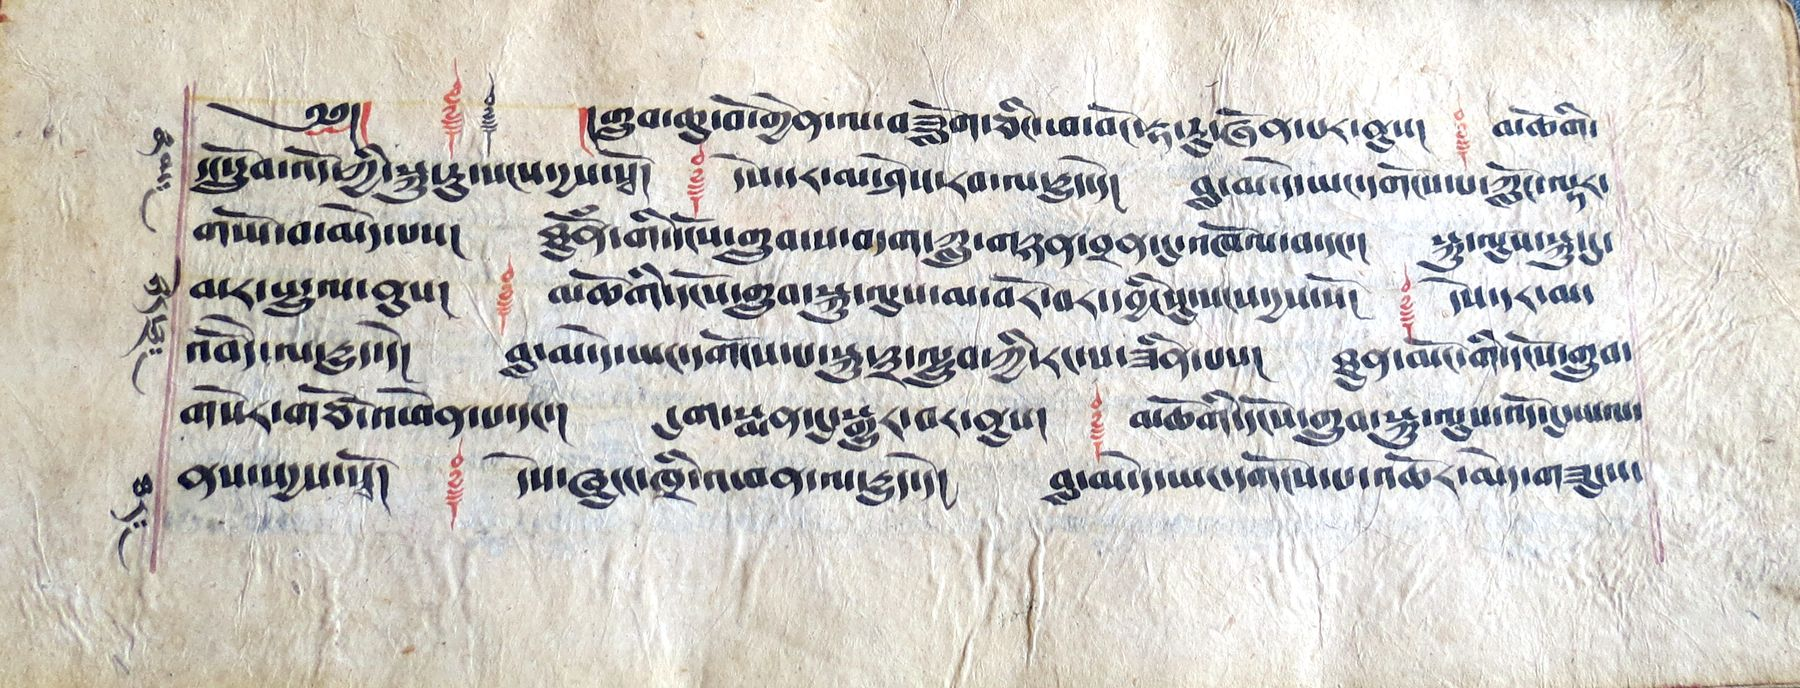གྲུབ་ཆུ་བོ་གྱེན་ལ་ཟློག་ཅིང་། ཕ་བོང་རྟ་རུ་ཞོན་པར་ནུས། མཆོག་གི་
དངོས་གྲུབ་འོད་ཀྱི་སྐུ་རུ་སངས་རྒྱས་སོ། ། དེས་དར་མ་ཤེས་རབ་ལ་བརྒྱུད་དེ། བླ་མ་དེ་ཡང་དགོངས་པ་ཀློང་ལྟར་
གཡོ་བ་མེད་པས། ཐུན་མོང་གི་དངོས་གྲུབ་ས་བདག་ཀླུ་གཉན་བྲན་དུ་འཁོལ་བ་དང་། སྐུ་ལུས་དུ་
མར་སྤྲུལ་ནུས། མཆོག་གི་དངོས་གྲུབ་སྐུ་ལུས་མ་བོར་བར་དབྱིངས་སུ་སངས་རྒྱས་སོ། ། དེས་དར་མ་
འབོད་དེ་ལ་བརྒྱུད་དེ། བླ་མ་དེ་ཡང་དགོངས་པ་སྐུ་གསུམ་ལྷུན་གྲུབ་ཀྱི་རང་ས་ཟིན་པས། ཐུན་མོང་གི་དངོས་གྲུབ་
གསེར་གཙོ་འཕེན་པ་དང་དུག་སྨན་དུ་བསྒྱུར་བར་ནུས། མཆོག་གི་དངོས་གྲུབ་སྐུ་ལུས་འོད་དུ་ཡལ་
ནས་སངས་རྒྱས་སོ། ། དེས་ཞང་ཞུང་ཁྲི་འཕན་ལ་བརྒྱུད་དེ། བླ་མ་དེ་ཡང་དགོངས་པ་འཆོར་མེད་གཟུངས་